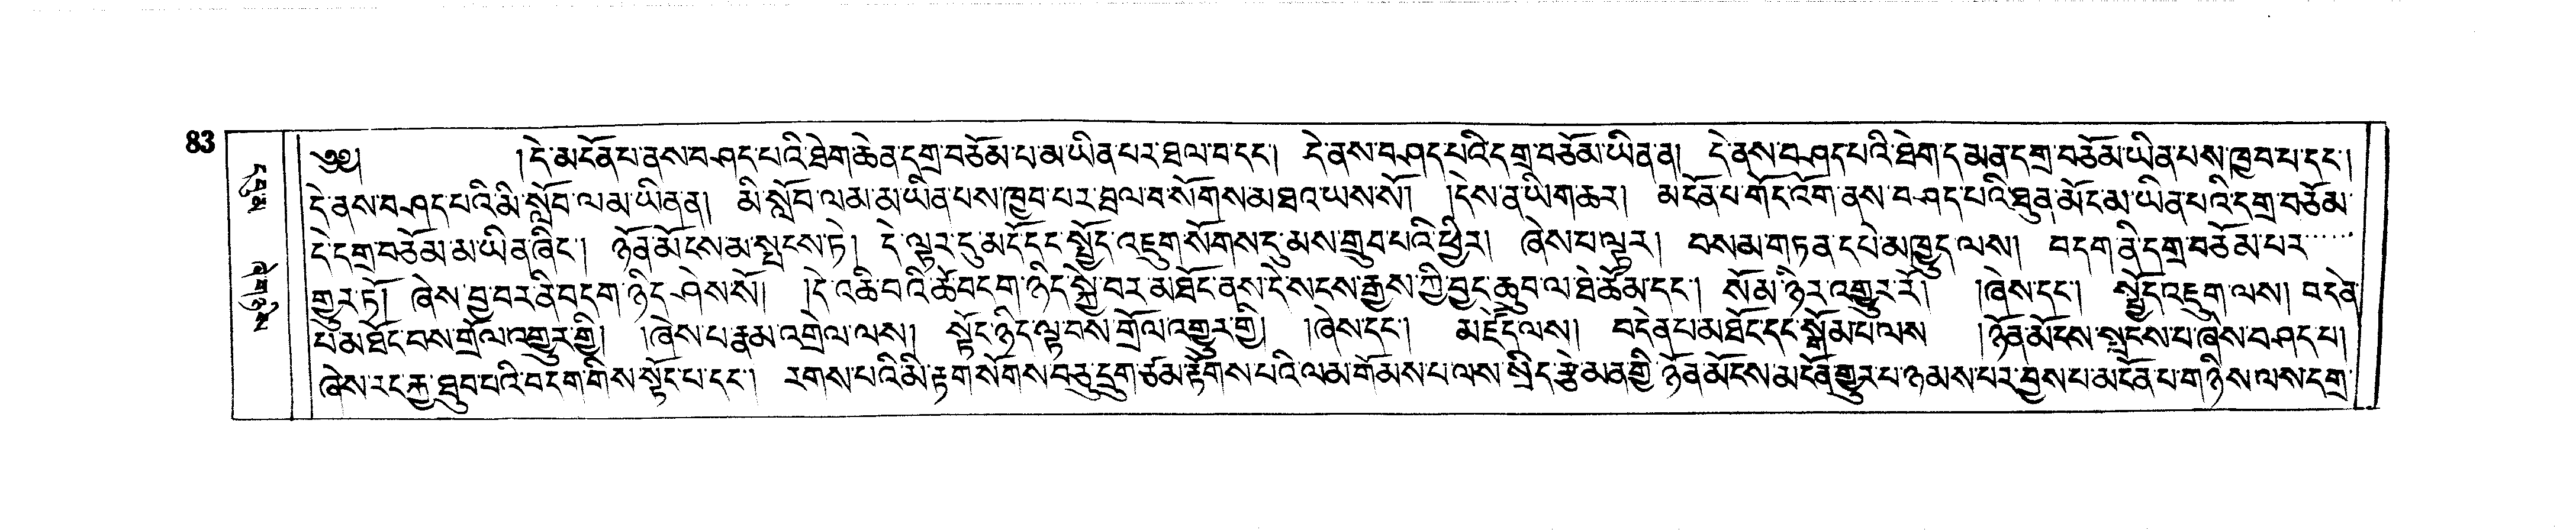༄༅། །དེ་མངོན་པ་ནས་བཤད་པའི་ཐེག་ཆེན་དགྲ་བཅོམ་པ་མ་ཡིན་པར་ཐལ་བ་དང་། དེ་ནས་བཤད་པའི་དགྲ་བཅོམ་ཡིན་ན། དེ་ནས་བཤད་པའི་ཐེག་དམན་དགྲ་བཅོམ་ཡིན་པས་ཁྱབ་པ་དང་།
དེ་ནས་བཤད་པའི་མི་སློབ་ལམ་ཡིན་ན། མི་སློབ་ལམ་མ་ཡིན་པས་ཁྱབ་པར་ཐལ་བ་སོགས་མཐའ་ཡས་སོ། །དེས་ན་ཡིག་ཆར། མངོན་པ་གོང་འོག་ནས་བཤད་པའི་ཐུན་མོང་མ་ཡིན་པའི་དགྲ་བཅོམ་
དེ་དགྲ་བཅོམ་མ་ཡིན་ཞིང་། ཉོན་མོངས་མ་སྤངས་ཏེ། དེ་ལྟར་དུ་མདོ་དང་སྤྱོད་འཇུག་སོགས་དུ་མས་གྲུབ་པའི་ཕྱིར། ཞེས་པ་ལྟར། བསམ་གཏན་དཔེ་མཁྱུད་ལས། བདག་ནི་དགྲ་བཅོམ་པར་
གྱུར་ཏོ། ཞེས་བྱ་བར་ནི་བདག་ཉིད་ཤེས་སོ། །དེ་འཆི་བའི་ཚེ་བདག་ཉིད་སྐྱེ་བར་མཐོང་ནས་དེ་སངས་རྒྱས་ཀྱི་བྱང་ཆུབ་ལ་ཐེ་ཚོམ་དང་། སོམ་ཉིར་འགྱུར་རོ། །ཞེས་དང་། སྤྱོད་འཇུག་ལས། བདེན་
པ་མཐོང་བས་གྲོལ་འགྱུར་གྱི། །ཞེས་པ་རྣམ་འགྲེལ་ལས། སྟོང་ཉིད་ལྟ་བས་གྲོལ་འགྱུར་གྱི། །ཞེས་དང་། མཛོད་ལས། བདེན་པ་མཐོང་དང་སྒོམ་པ་ལས་།ཉོན་མོངས་སྤངས་པ་ཞེས་བཤད་པ།
ཞེས་རང་རྐྱ་ཐུབ་པའི་བདག་གིས་སྟོང་པ་དང་། རགས་པའི་མི་རྟག་སོགས་བཅུ་དྲུག་ཙམ་རྟོགས་པའི་ལམ་གོམས་པ་ལས་སྲིད་རྩེ་མན་གྱི་ཉོན་མོངས་མངོན་གྱུར་པ་ཉམས་པར་བྱས་པ་མངོན་པ་གཉིས་ལས་དགྲ་